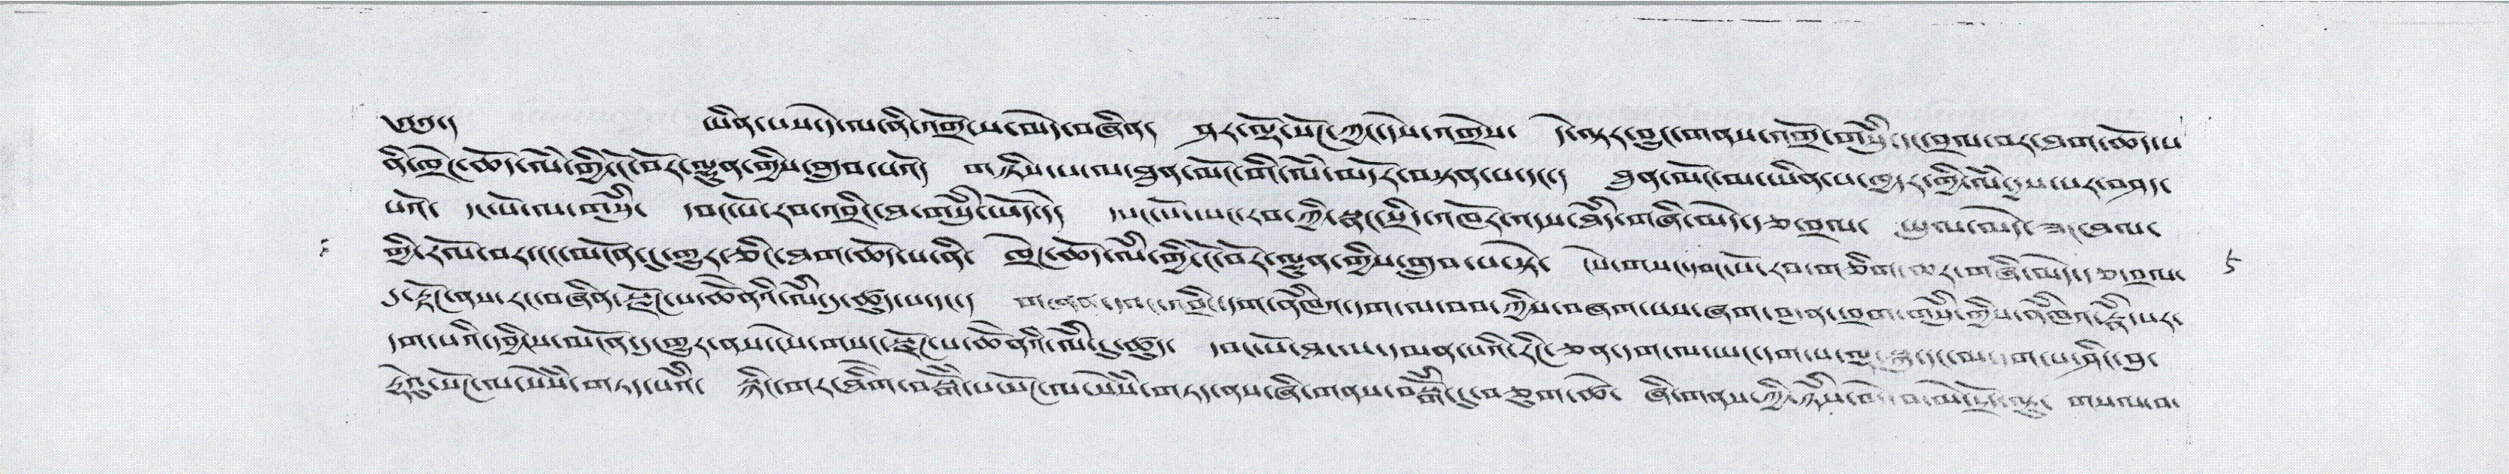ཡིན་པས་དེ་ལ་འགྲོ་ས་མེད་བཞིན། ཤར་ལྷོ་སོགས་ཀྱང་དེས་འགྲེས། དེ་ལྟར་བྱུང་གནས་འགྲོ་གསུམ་དང་བྲལ་བར་ཐག་ཆོད་པ་
ནི་ཁྲེགས་ཆོད་ལམ་གྱི་ངོ་བོར་ལྷུན་གྱིས་གྲུབ་པའོ། གཉིས་པ་ལ་ཐུན་མོང་གི་ལམ་མདོར་བསྟན་པ་དང་། ཐུན་མོང་མ་ཡིན་པ་ཁྱད་པར་གྱི་ལམ་རྒྱས་པར་བཤད་
པའོ། དང་པོ་ལ་གསུམ། དབང་པོ་རབ་འབྲིང་ཐ་གསུམ་ཡོད་དེ། དབང་པོ་ཡང་རབ་ཀྱིས་སྣང་སྲིད་འཁོར་འདས་ཐམས་ཅད་གཞི་མེད་རྩ་བྲལ། ཡུལ་མེད་ཟང་ཐལ་
གྱི་རོལ་པར་རང་མངོན་དུ་གྱུར་ཅིང་ཐག་ཆོད་པ་ནི། ཁྲེགས་ཆོད་ལམ་གྱི་ངོ་བོར་ལྷུན་གྱིས་གྲུབ་པ་སྟེ། ངེས་གསང་དབང་པོ་རབ་གཅིག་ཆར་གཞི་མེད་རྩ་བྲལ་
དུ་རྟོགས་ནས་རང་བཞིན་རྫོགས་པ་ཆེན་པོའི་ལམ་དུ་ཚུད་པ་དང་། གཞན་དབང་འབྲིང་དག་ནམ་མཁའ་དག་ལ་བབ་ཀྱིས་བཞག་པས་ཞག་བདུན་ཕྲག་གསུམ་གྱིས་ནམ་མཁའ་རྣམ་པར་
དག་པའི་དབྱིངས་མངོན་དུ་གྱུར་ནས་ངེས་གསང་རྫོགས་པ་ཆེན་པོའི་ལམ་དུ་ཚུད། དབང་པོ་ཐ་མ་དམན་པའི་རིགས་ཅན་དག་ལ་ཡང་དག་པ་ལྷ་སྐུ་དང་མ་དག་པ་ཤིང་བུ་
རྡེའུ་སོགས་ལ་སེམས་གཏད་པའམ། སྙིང་གར་ཐིག་ལེ་བསྒོམ་པ་སོགས་ལ་སེམས་གཏད་ནས་ཞི་གནས་བསྒོམ་དུ་བཅུག་ཚེ། ཞི་གནས་ཀྱི་ཉམས་བདེ་བ་མེ་དྲོད་ལྟ་བུ། གསལ་བ་